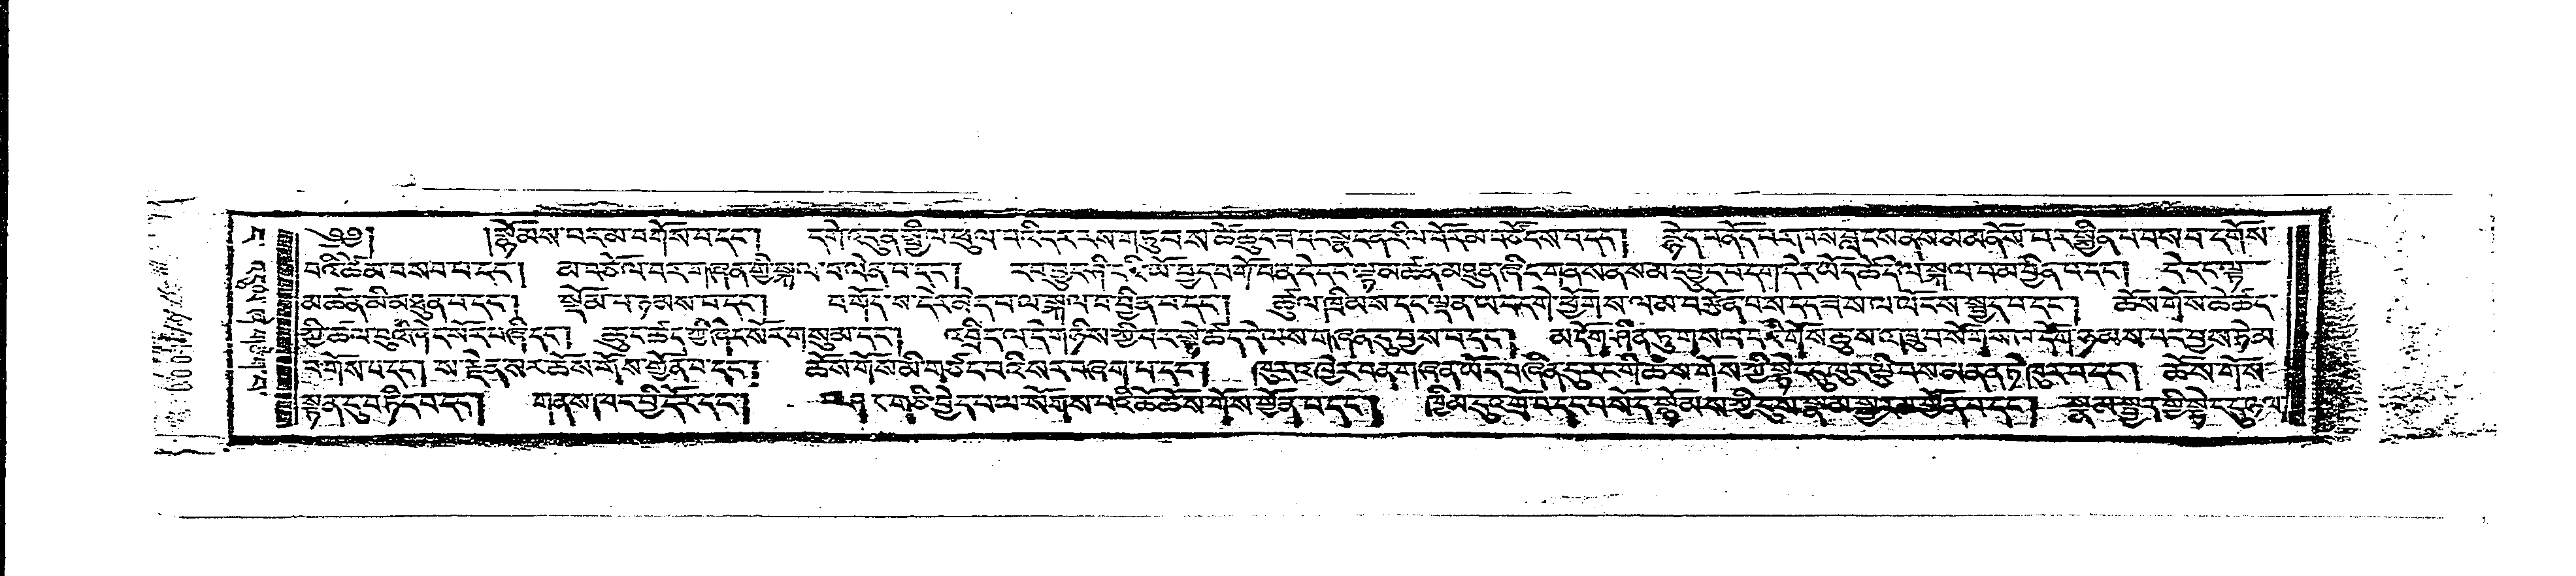༄༅། །སྙོམས་པར་མ་བགོས་པ་དང་། དགེ་འདུན་སྤྱི་ལ་ཕུལ་བའི་དར་རས་གཏུབས་ཚེ་ཆུང་ཟ་བར་སྣ་ངན་རི་ལ་བོར་མ་བཙོངས་པ་དང་། རྙེད་པ་ནོད་པར་ཁས་བླངས་ནས་མ་མནོས་པར་སྦྱིན་པ་བསབ་དགོས་
བའི་ཚེམ་བསབ་པ་དང་། མ་བཅོལ་བར་གཞན་གྱི་སྐལ་བ་ལེན་པ་དང་། རབ་བྱུང་ཤི་བའི་ཡོ་བྱད་བགོ་བ་ན་དེ་དང་ལྟ་མཚན་མཐུན་ཞིང་གནས་ནས་མ་དབྱུང་བ་དག་དེར་ཡོད་ཚེ་དེ་ལ་སྐལ་བ་མ་བྱིན་པ་དང་། དེ་དང་ལྟ་
མཚན་མི་མཐུན་པ་དང་། སྡོམ་པ་ཉམས་པ་དང་། བགོད་ས་དེར་མེད་པ་ལ་སྐལ་པ་བྱིན་པ་དང་། ཚུལ་ཁྲིམས་དང་ལྡན་ཡང་དགེ་ཕྱོགས་ལམ་བརྩོན་པས་དད་ཟས་ལ་ལོངས་སྤྱད་པ་དང་། ཆོས་གོས་ཆེ་ཚད་
ཀྱི་ཚལ་བུའི་ཞེང་སོར་བཞི་དང་། ཆུང་ཚད་ཀྱི་ཞེང་སོར་གསུམ་དང་། འབྲིང་ལ་དེ་གཉིས་ཀྱི་བར་སྟེ་ཚད་དེ་ལས་གཞན་དུ་བྱས་པ་དང་། མདོག་ཤིན་ཏུ་གསལ་བའི་གོས་ཆུ་ས་འཁྲུ་བ་སོགས་ཁ་དོག་ཉམས་པར་བྱས་ཏེ་མ་
བགོས་པ་དང་། ས་རྗེན་སར་ཆོས་གོས་གྱོན་པ་དང་། ཆོས་གོས་མི་གཙང་བའི་སར་བཞག་པ་དང་། ཁུར་འཁྱེར་བ་ན་གཞན་ཡོད་བཞིན་དུ་རང་གི་ཆོས་གོས་ཀྱི་སྟེང་དུ་ཁུར་ལྕི་བས་མནན་ཏེ་ཁུར་བ་དང་། ཆོས་གོས་
སྟན་དུ་བཏིང་བ་དང་། གནས་ཁང་བྱི་དོར་དང་། བཤང་གཅི་བྱེད་པ་ལ་སོགས་པའི་ཚེ་ཆོས་གོས་གྱོན་པ་དང་། ཁྱིམ་དུ་འགྲོ་བ་དང་བསོད་སྙོམས་ཀྱི་དུས་སྣམ་སྦྱར་མ་གྱོན་པ་དང་། སྣམ་སྦྱར་གྱི་སྟེང་དུ་ཉལ་